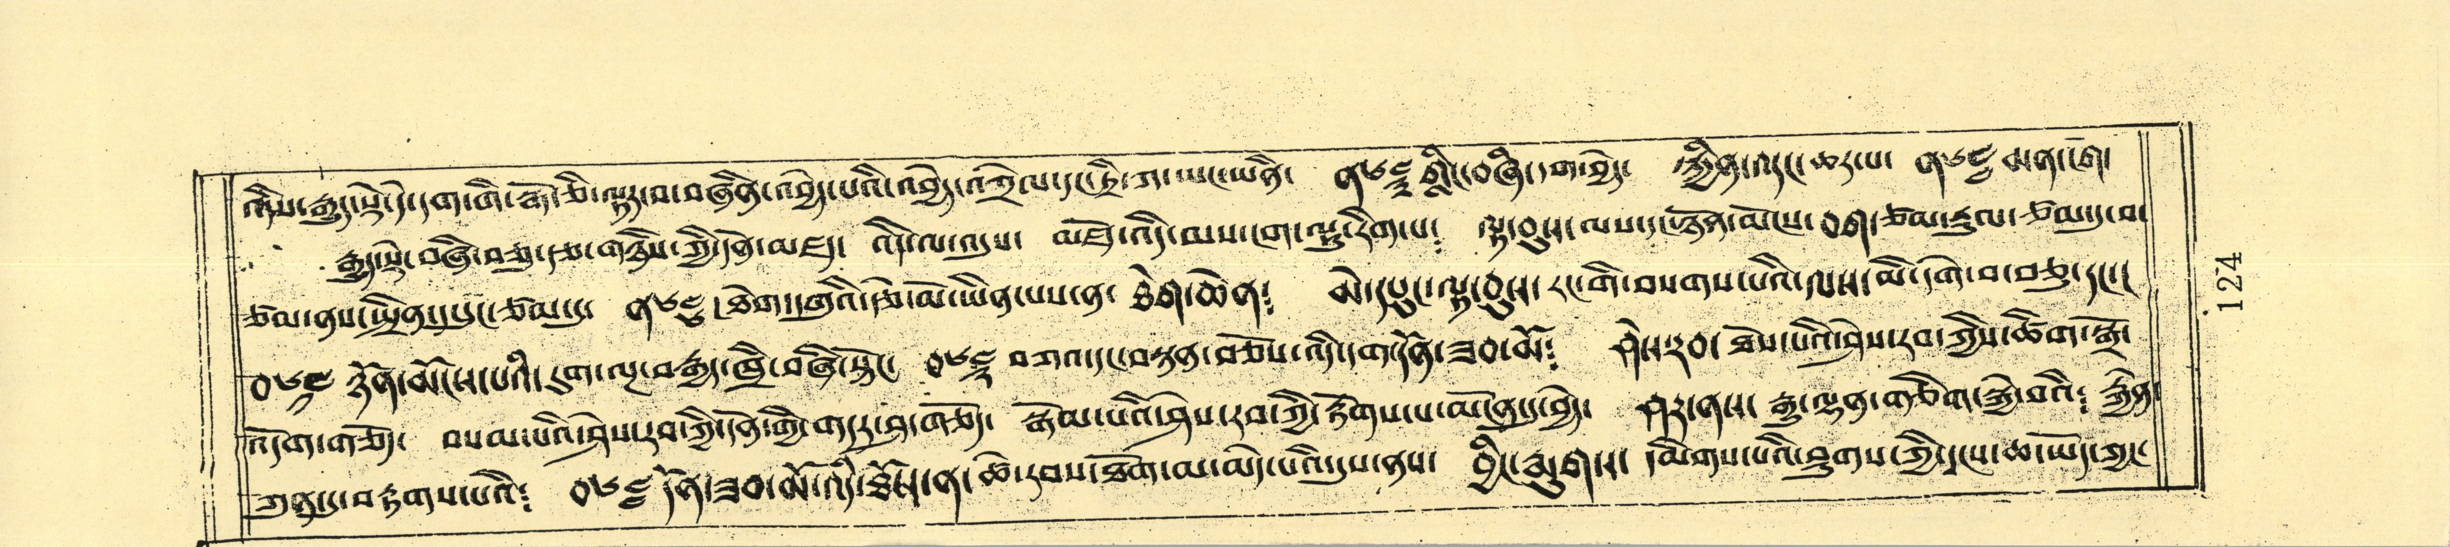འདིས་རྒྱུད་སྡེ་དེ་དག་གི་སྒོ་ཅི་ལྟ་བ་བཞིན་འབྱེད་པའི་འགྲེལ་དང་ཊི་ཀ་ཡང་ཡིན་ལ། ན༦༤།༣གླིང་བཞི་དག་བྱེད་ སྐྱིན་འདང་ཆར་པ་ ན༦༤།༤༼མན་ངག༽
རྒྱུད་སྡེ་བཞི་བཅུ་རྩ་གཉིས་ཀྱི་དོན་མཛད་ འདི་ལ་འདུས་ མཛོད་འདི་མན་ངག་ལྟ་བུ་རིག་པ་ ༼ལྟ་བུས༽ལས་དང་ཉོན་མོངས་༼བག༽ཙམ་རྡུལ་ཙམ་དུ་བ་
ཙམ་ནས་སྤྲིན་དཔུང་ཙམ་དུ་ ན༦༤།༦ཐེག་དགུའི་རྩེ་མོ་ཡིན་པས་ན་༼ཐེག་ཆེན༽༼མེ་དཔུང་ལྟ་བུས༽རང་གིས་བསགས་པའི་༼ལས༽མི་དགེ་བ་བཅུ་དང་
བ༦༤།༡ ༼ཉོན་མོངས་པའི༽དུག་ལྔ་བརྒྱད་ཁྲི་བཞི་སྟོང་ བ༦༤།༢ བཀའ་དང་བསྟན་བཅོས་འདི་དག་དོན་ཟབ་མོ་ ཤེས་རབ་ཐོས་པའི་ཤེས་རབ་ཀྱིས་ཚིག་གི་སྒྲོ་
འདོགས་གཅོད། བསམ་པའི་ཤེས་རབ་ཀྱིས་དོན་གྱི་གདར་ཤ་གཅོད་ སྒོམ་པའི་ཤེས་རབ་ཀྱིས་རྟོགས་པ་མངོན་དུ་བྱེད།༼ཤར་ནས༽རྒྱུ་ལྷན་ཅིག་སྐྱེ་བའི་ རྐྱེན་
ཀུན་ཏུ་བརྟགས་པའི་ བ༦༤།༤༼དོན་ཟབ་མོ་འདི་ཐོས་ན༽ཚེ་རབས་ཐོག་མ་མེད་པའི་དུས་ནས་༼བྱིང་རྨུགས༽དམིགས་པའི་ཤུགས་ཀྱིས་དྭངས་ཆ་ཡོད་ཀྱང་